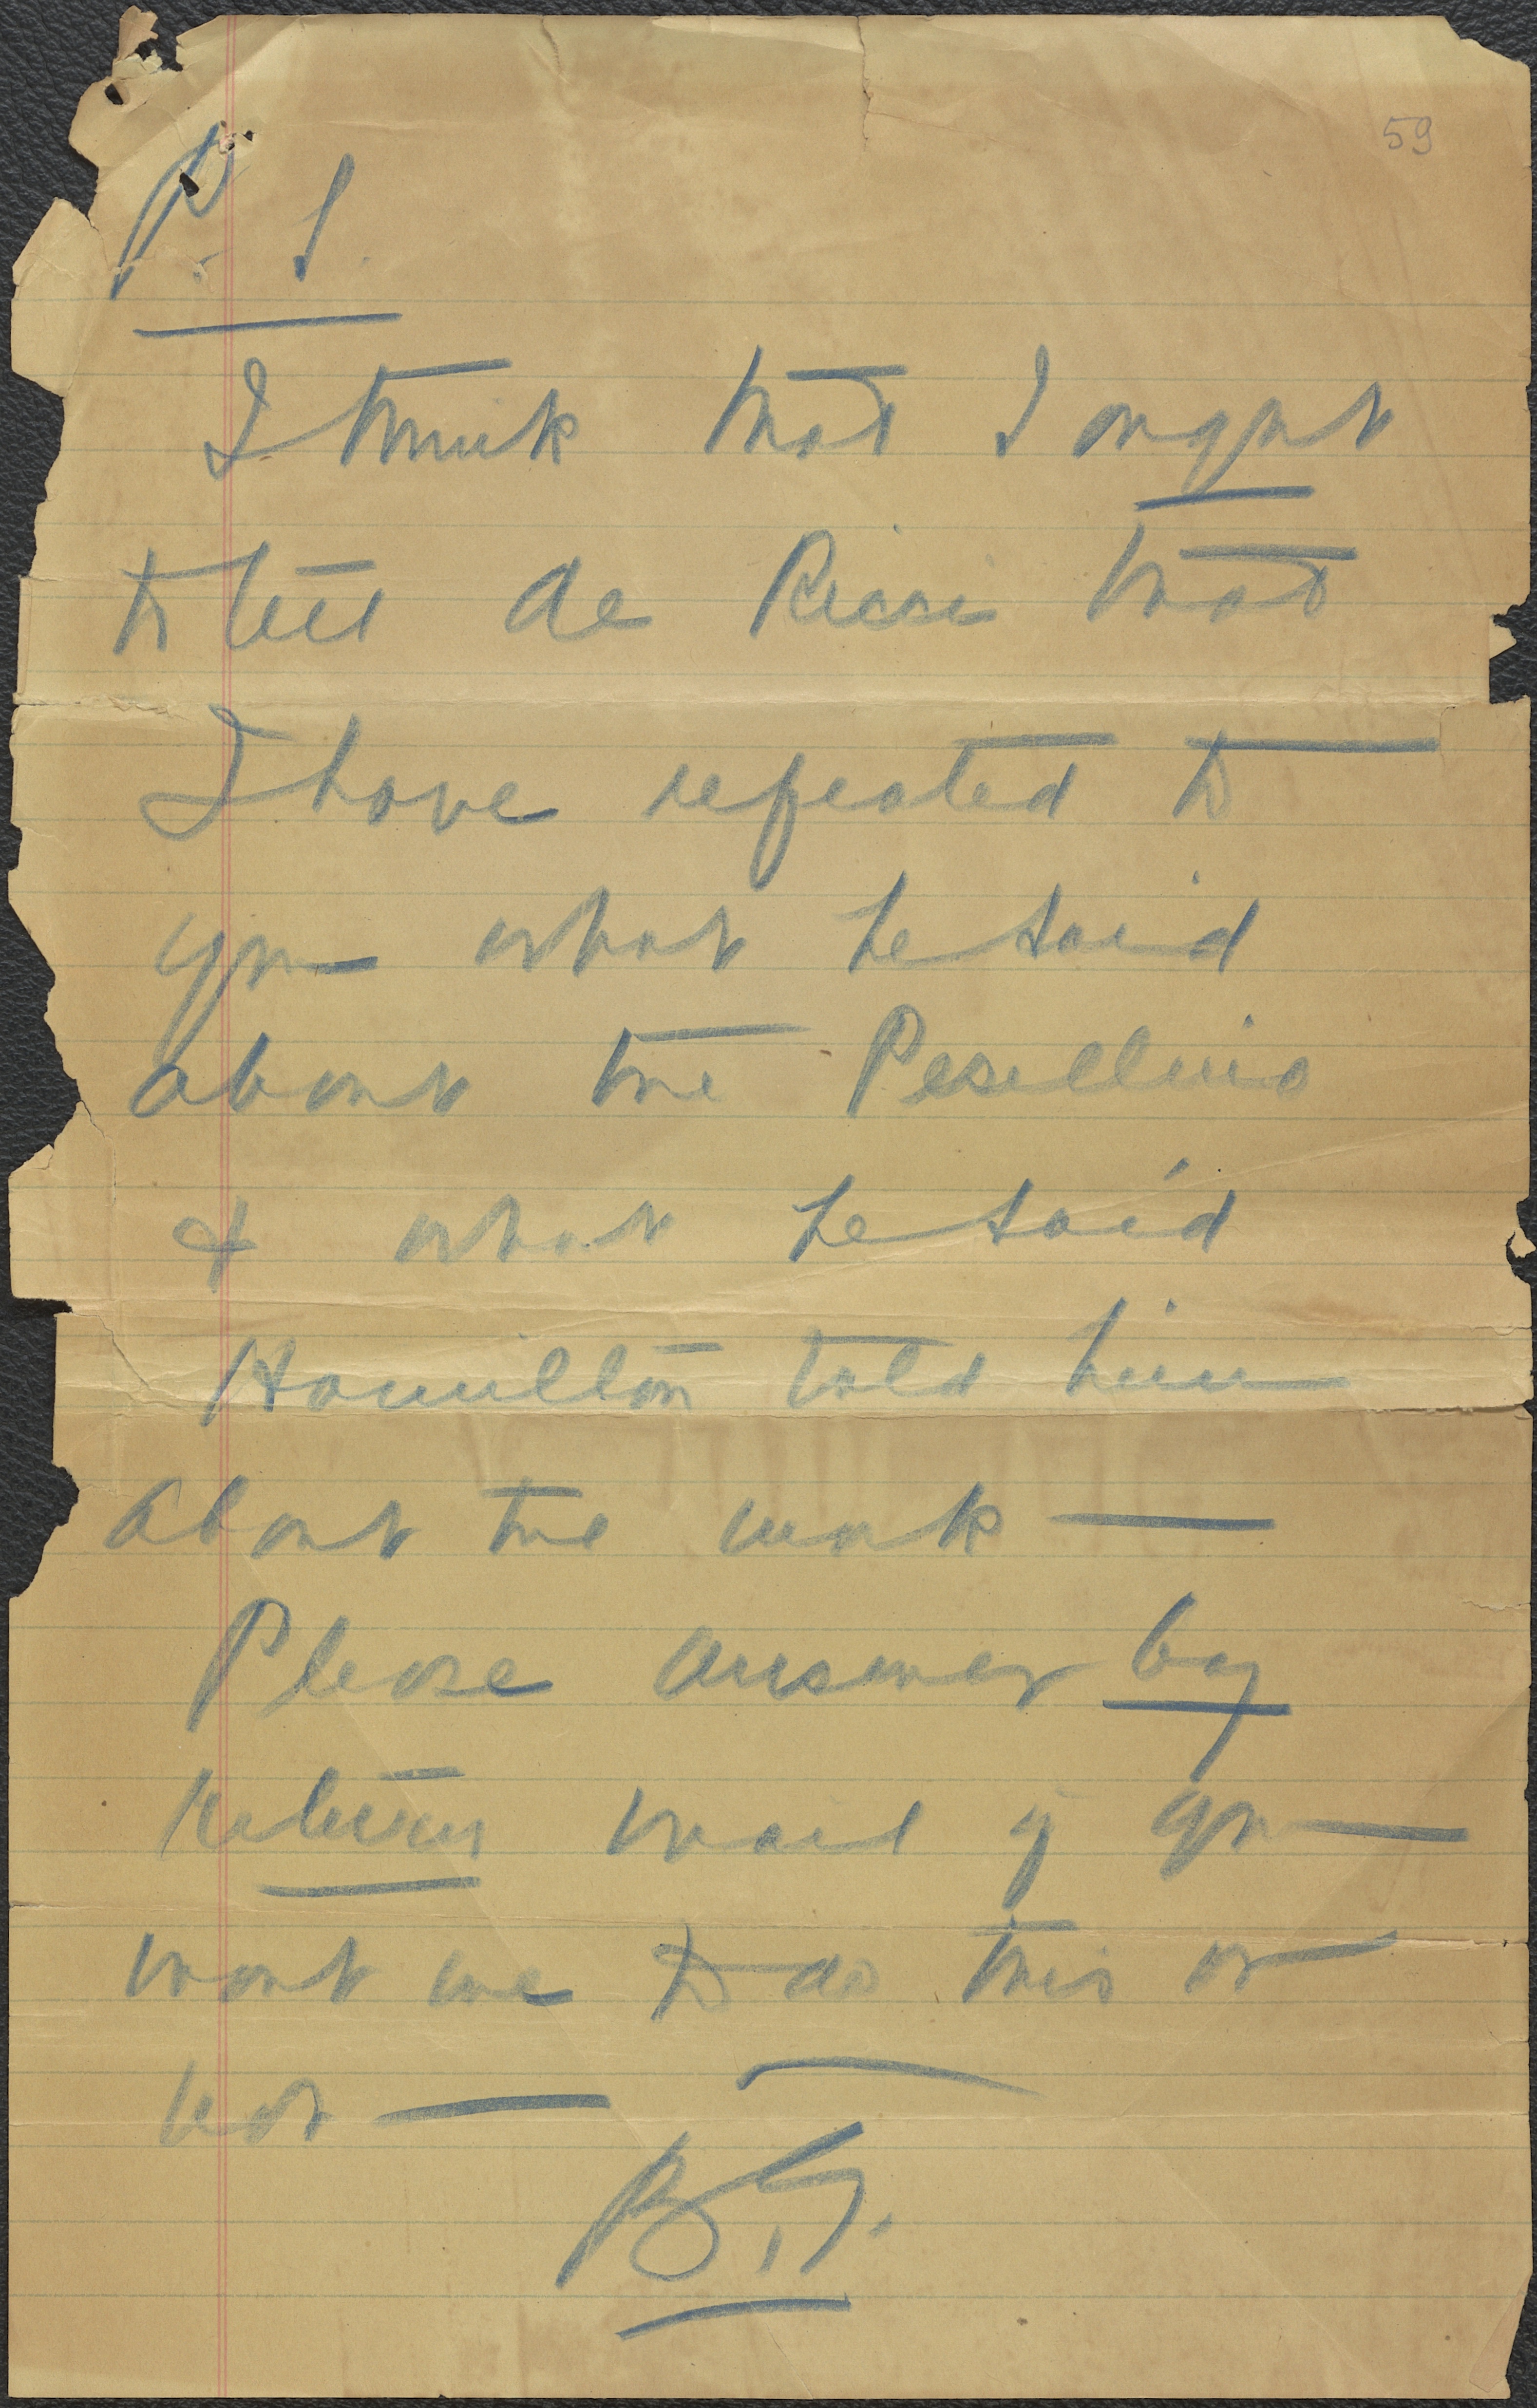[In blue pencil:
P.S.
I think that I ought to tell de Ricci that I have repeated to you what he said about the Pesillino & what he said Hamilton told him about the work –
Please answer by return mail of you want me to do this or not –
B.G.]